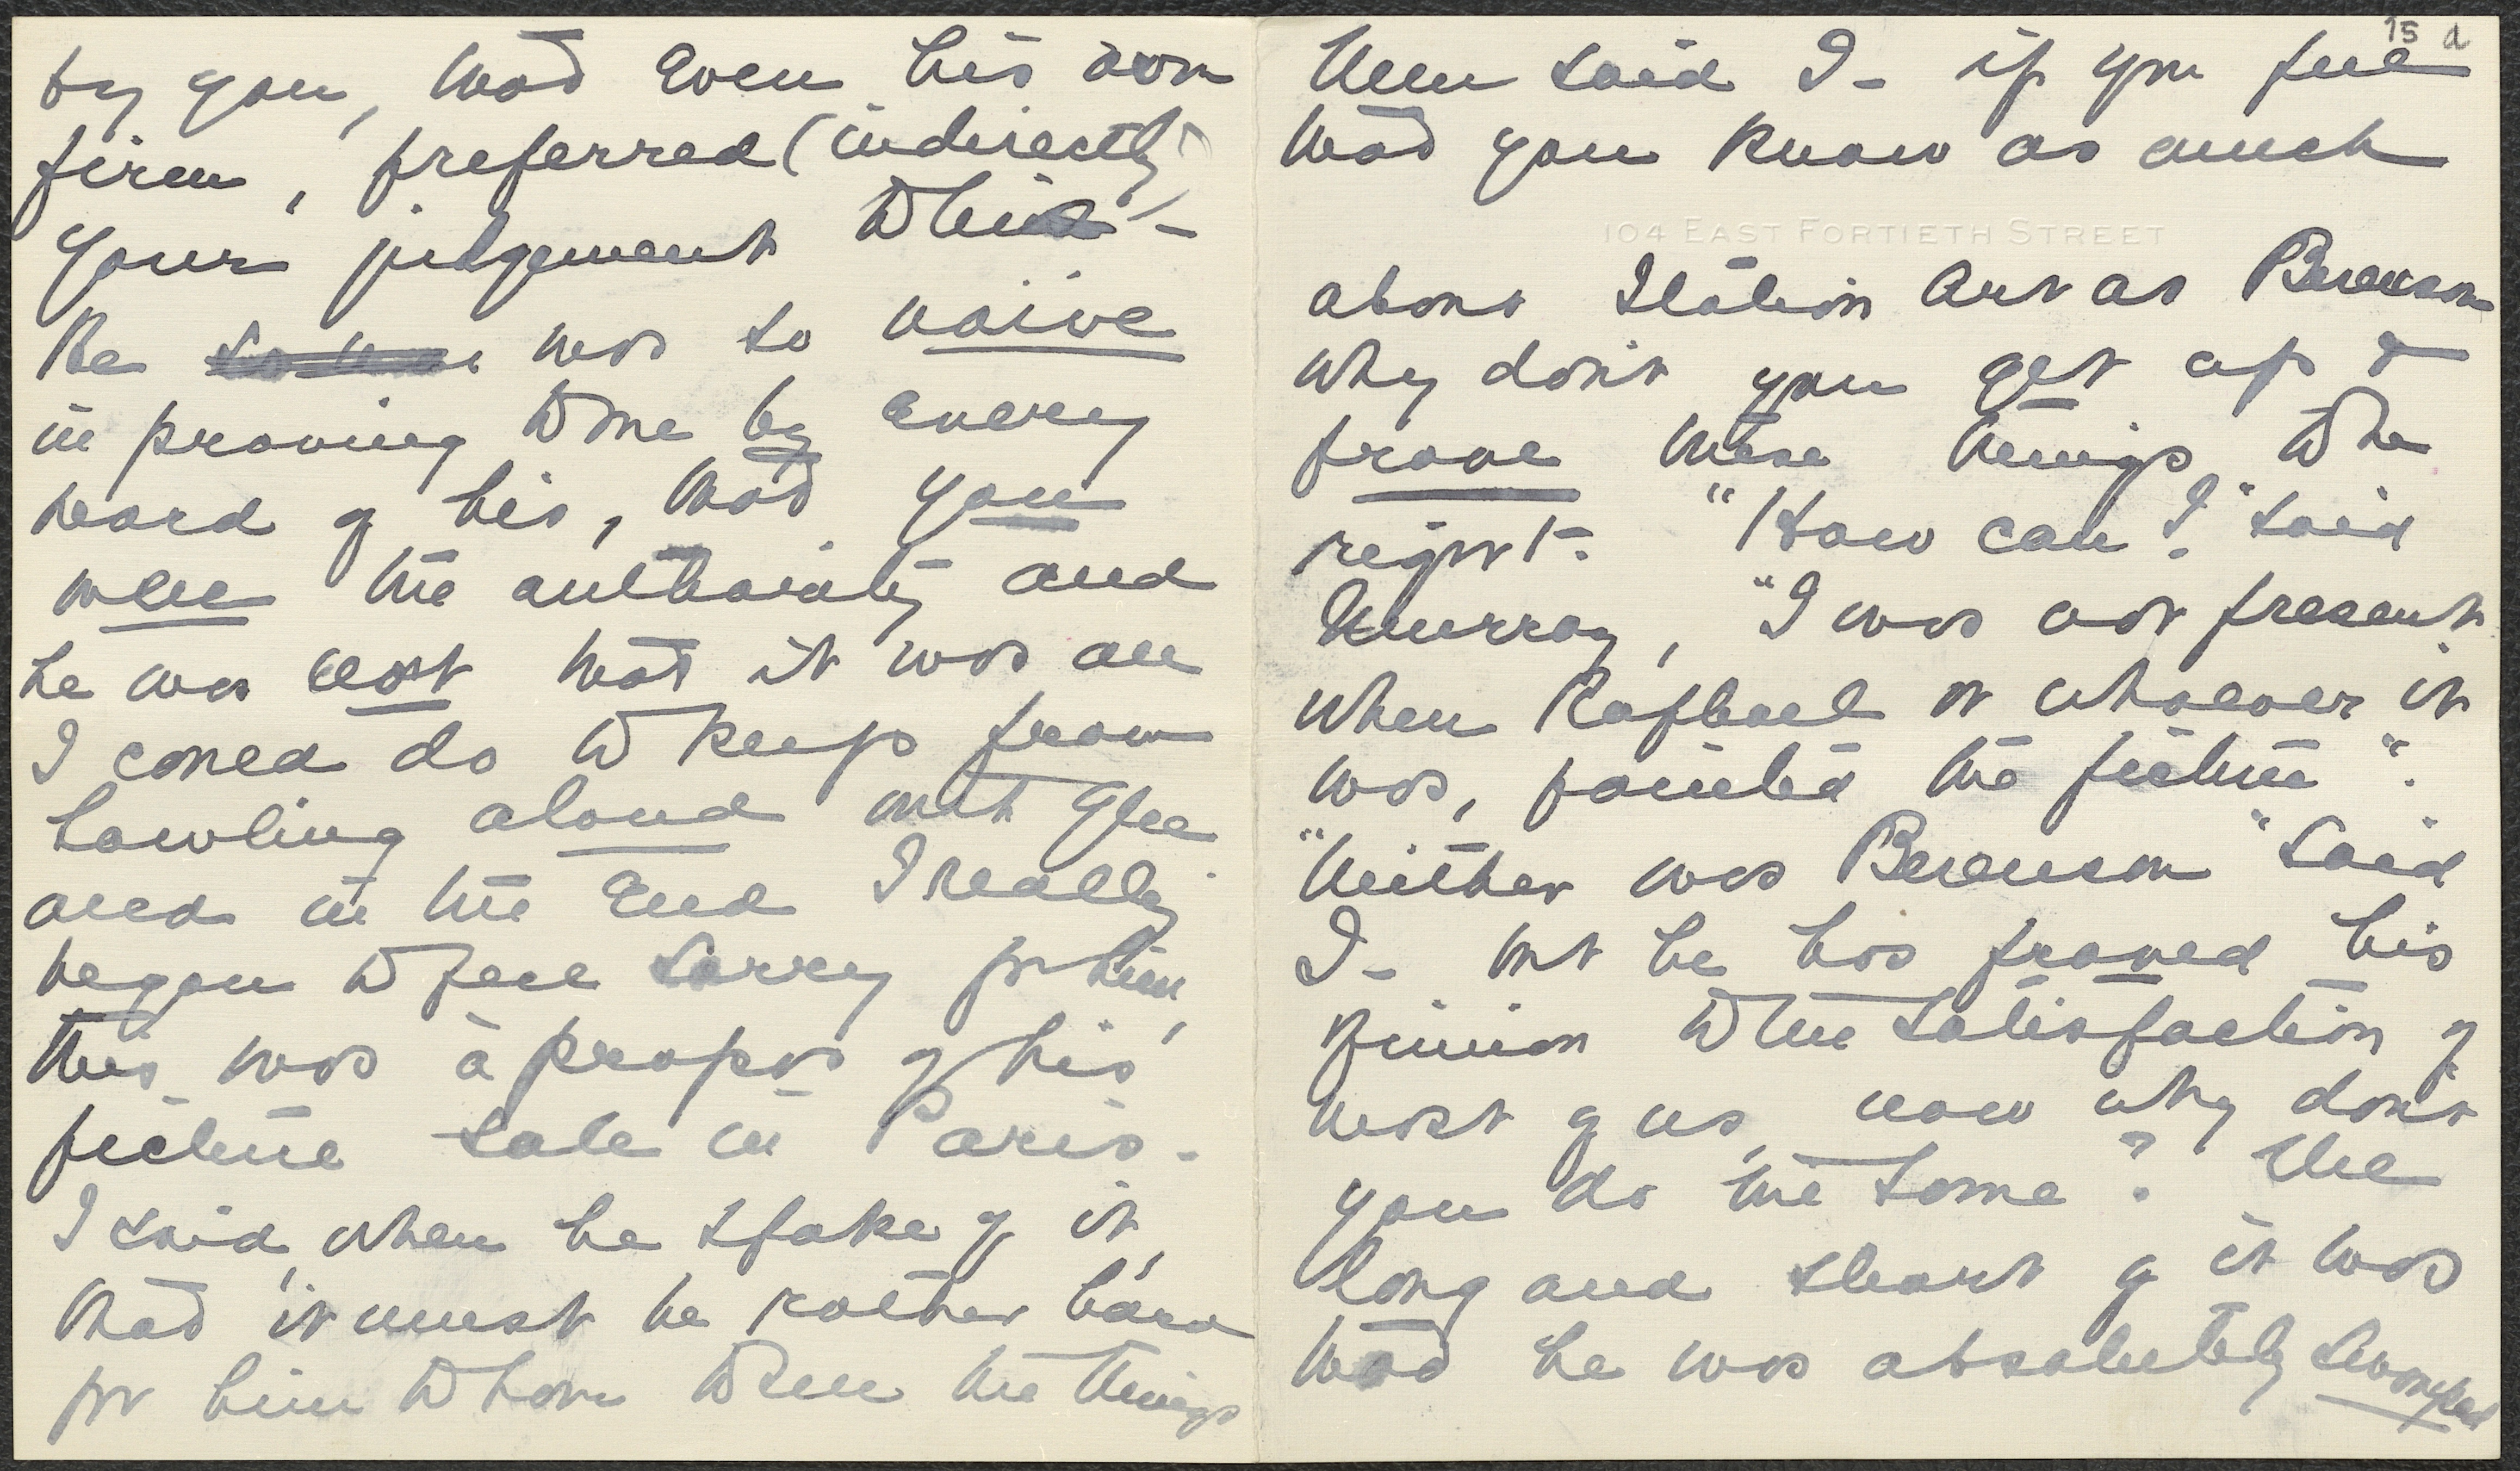Then said I – if you feel that you know as much about Italian art as Berenson why don't you get up & prove these things to be right. "How can I" said Murray, "I was not present when Raphael or whoever it was, painted the picture." "Neither was Berenson" said I – but he has proved his opinion to the satisfaction of most of us, now why don't you do the same? The long and short of it was that he was absolutely stumped
by you, that even his own firm, preferred (indirectly) your judgement to his – He so was was so naíve in proving to me by every word of his, that you were the authority and he was not that it was all I could do to keep from howling aloud with glee and in the end I really began to feel sorry for him, this was à propos of his picture sale in Paris. I said when he spoke of it, that it must be rather hard for him to have to sell the things